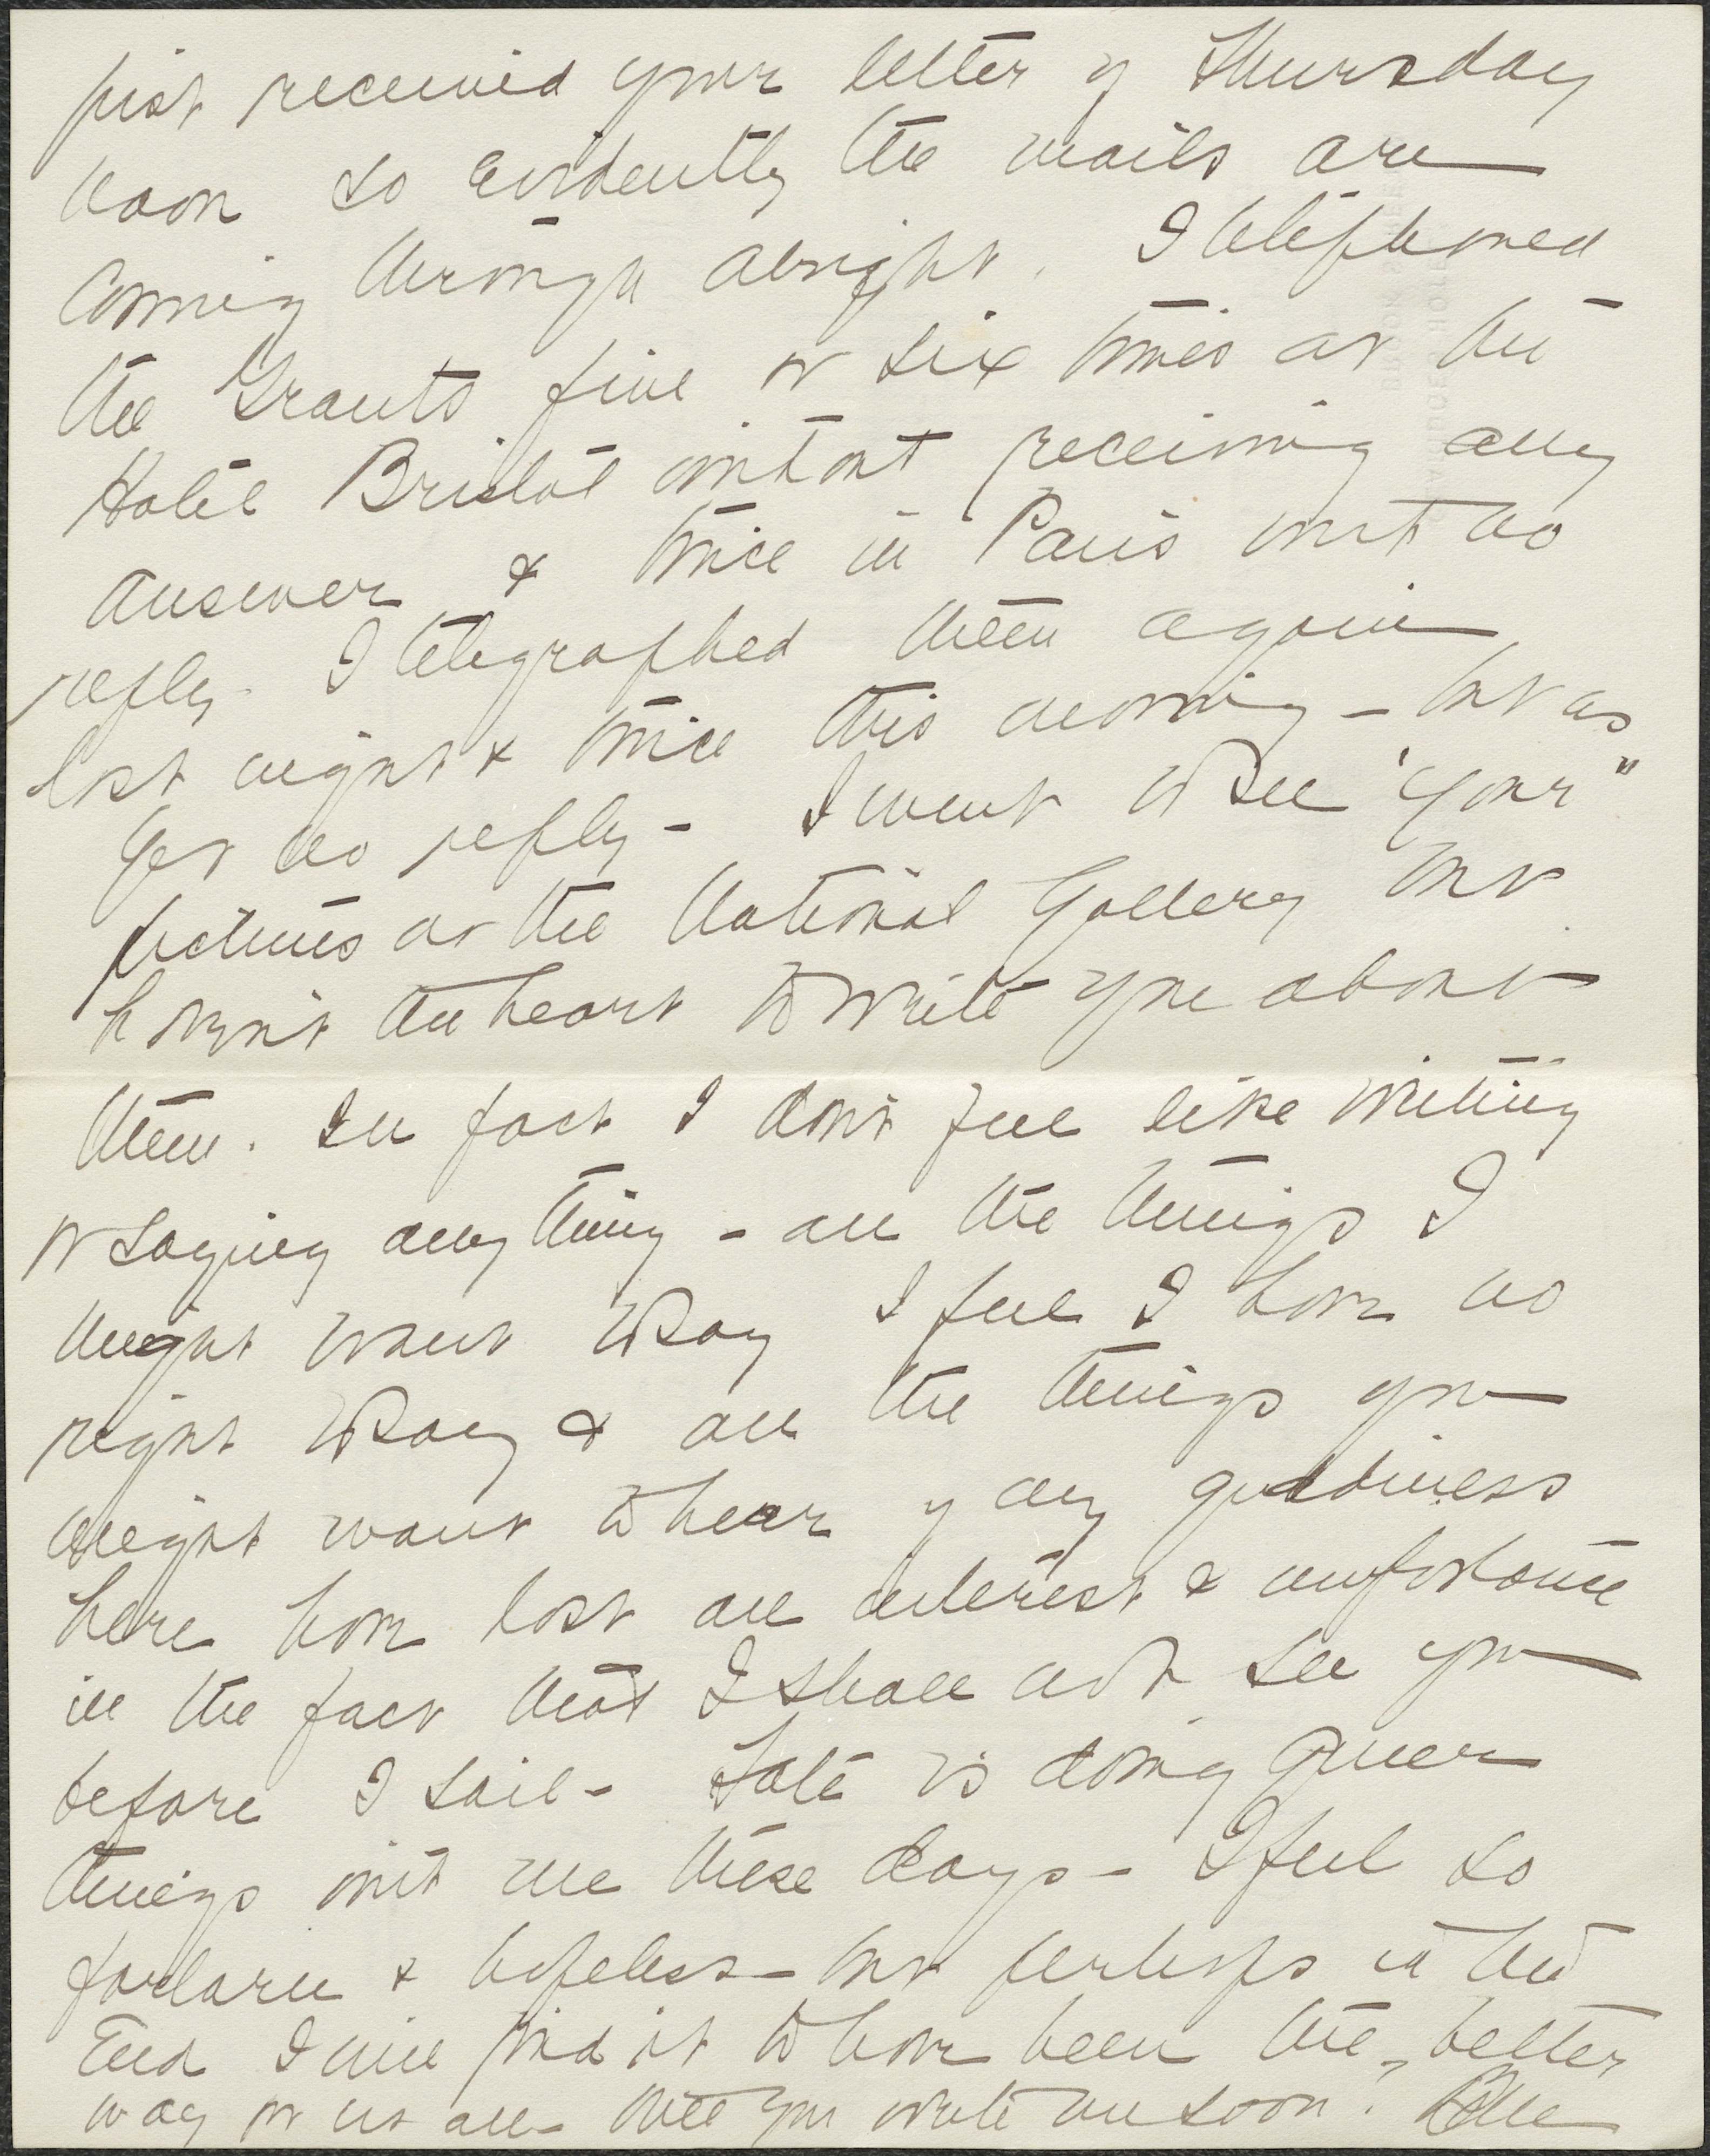just received your letter of Thursday noon so evidently the mails are coming through alright. I telephoned the Grants five or six times at the Hotel Bristol without receiving any answer & twice in Paris with no reply. I telegraphed them again last night & twice this morning – but as yet no reply – I went to see “your” pictures at the National Gallery but haven’t the heart to write you about them. In fact I don’t feel like writing or saying any thing – all the things I might want to say I feel I have no right to say & all the things you might want to hear of my giddiness here have lost all interest & importance in the fact that I shall not see you before I sail – Fate is doing queer things with me these days – I feel so forlorn & hopeless but perhaps in the end I will find it to have been the better way for us all – Will you write me soon? Belle